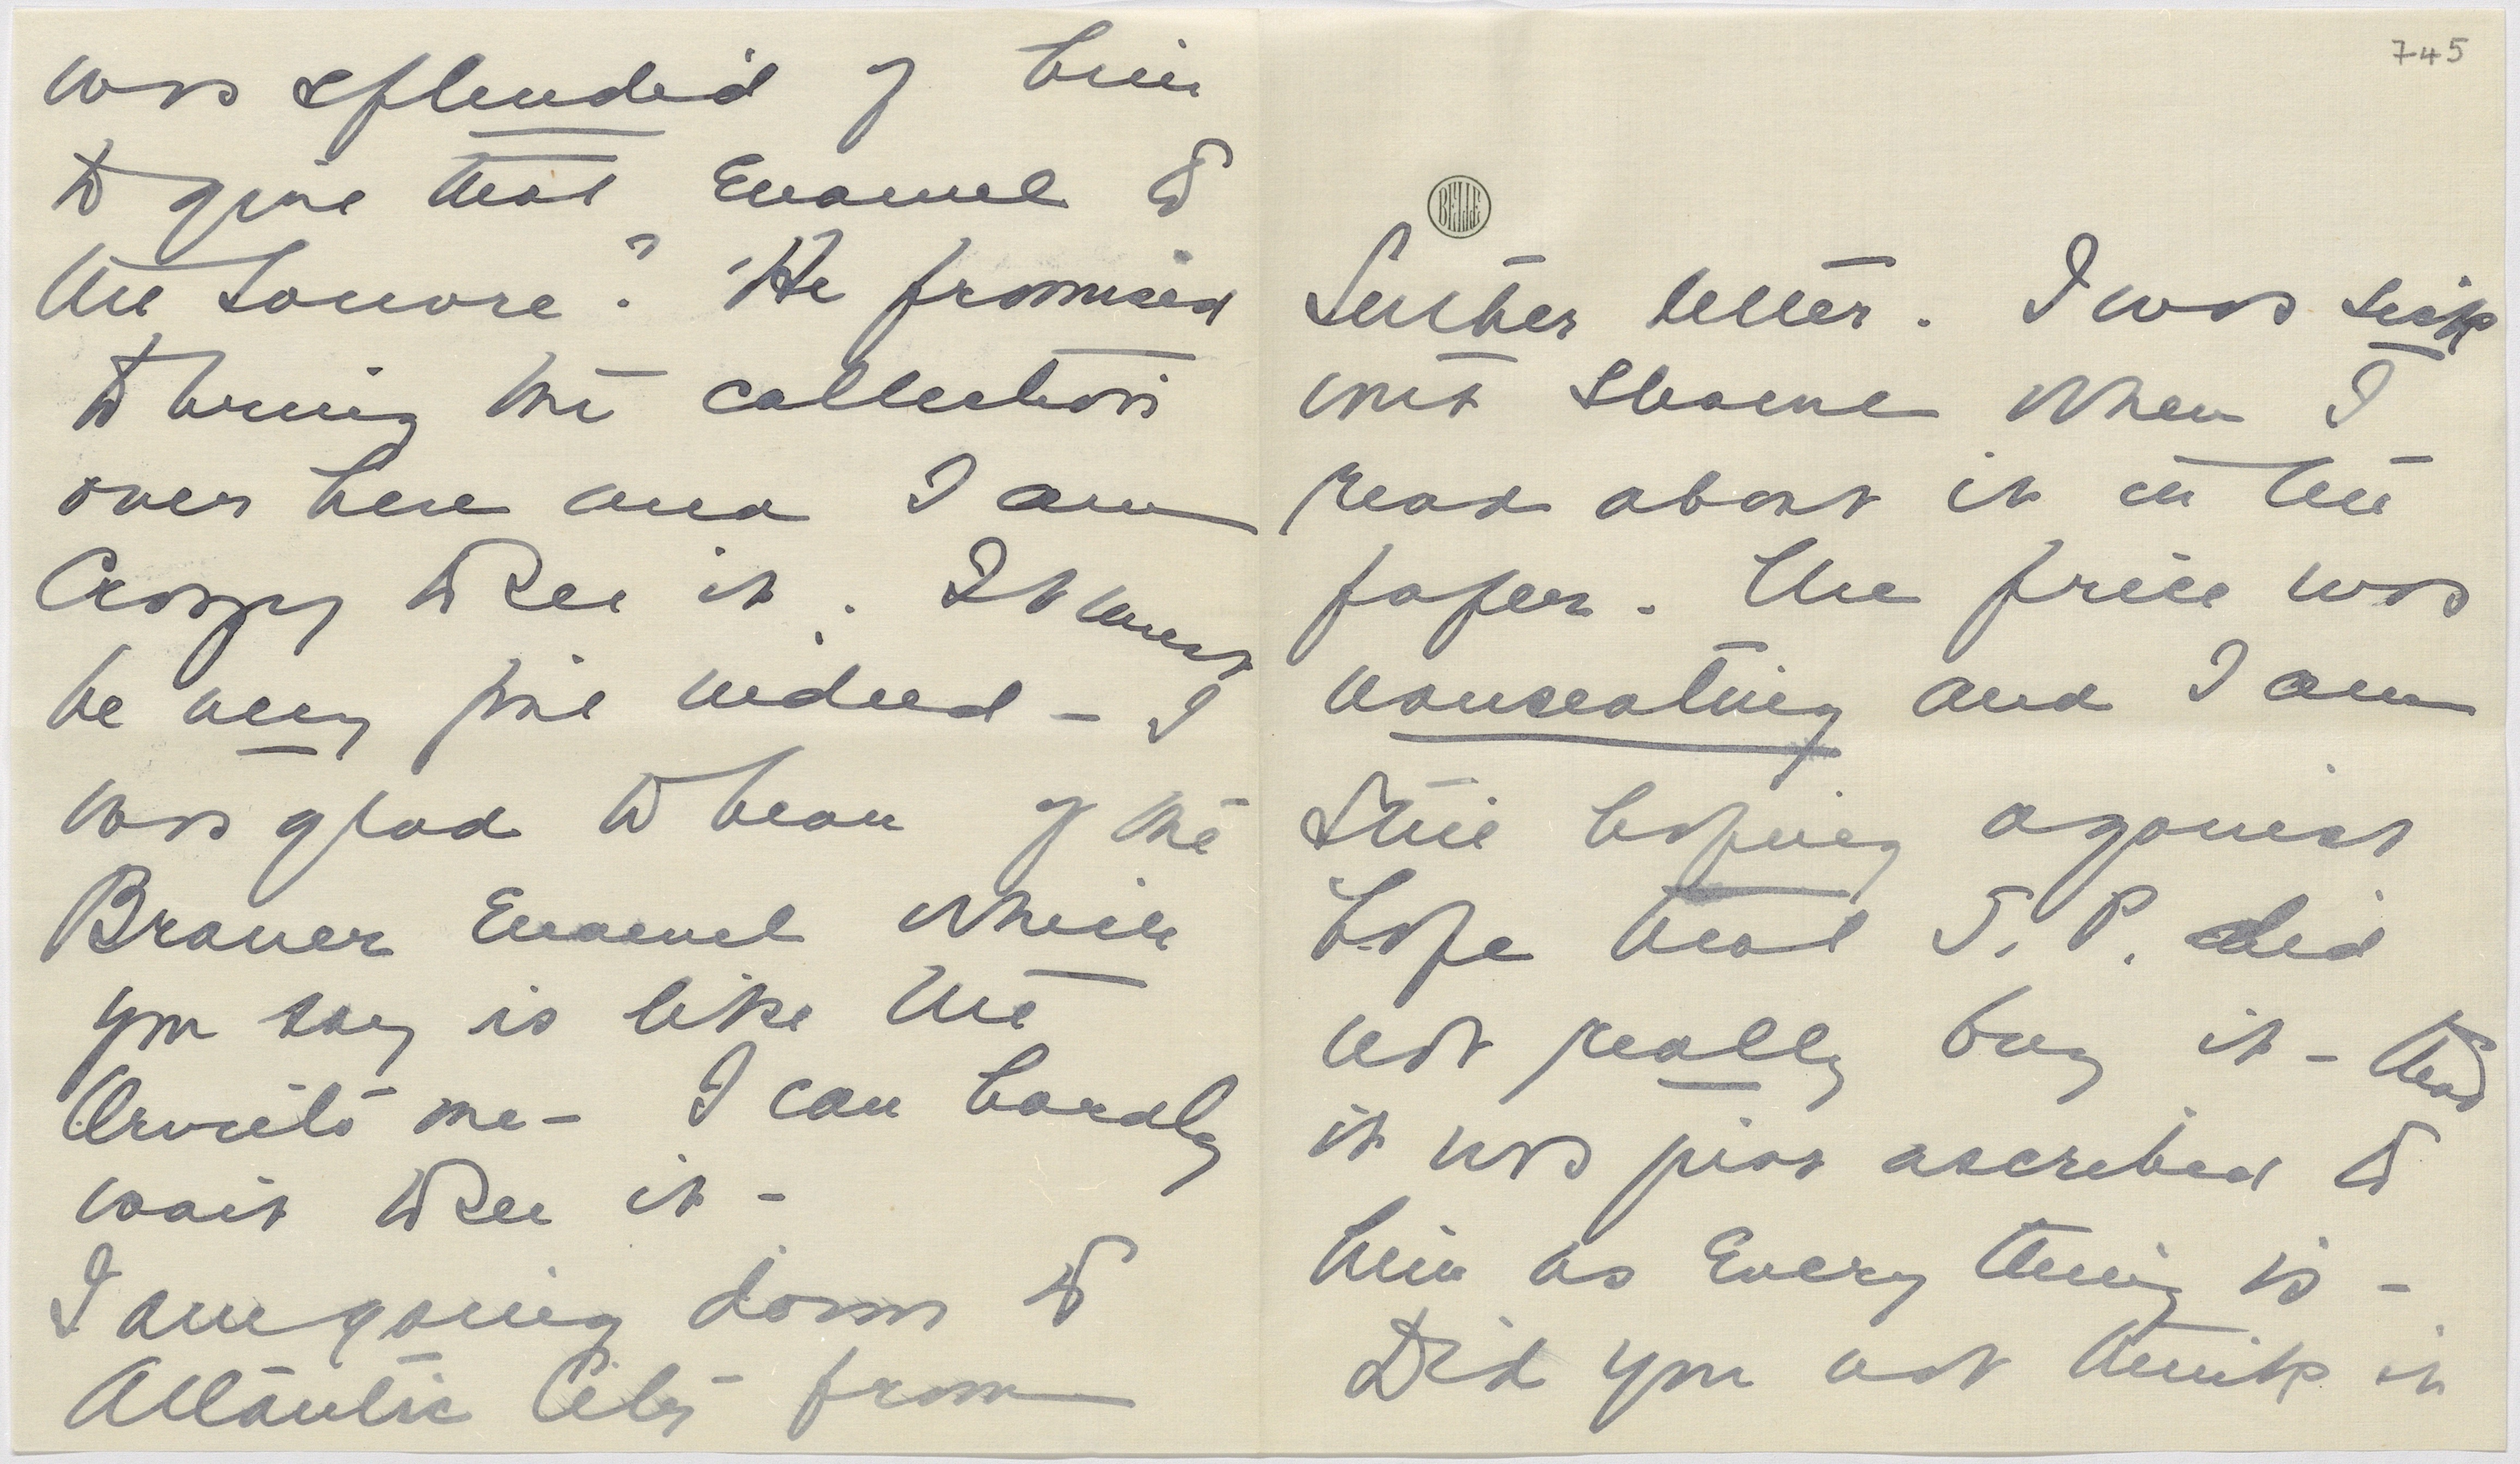Luther letter. I was sick with shame when I read about it in the paper. The price was nauseating and I am still hoping against hope that J. P. did not really buy it – that it was just ascribed to him as every thing is – Did you not think it
was splendid of him to give that enamel to the Louvre? He promised to bring the collection over here and I am crazy to see it. It must be very fine indeed – I was glad to hear of the Brauer enamel which you say is like the Orvieto one – I can hardly wait to see it –
I am going down to Atlantic City from